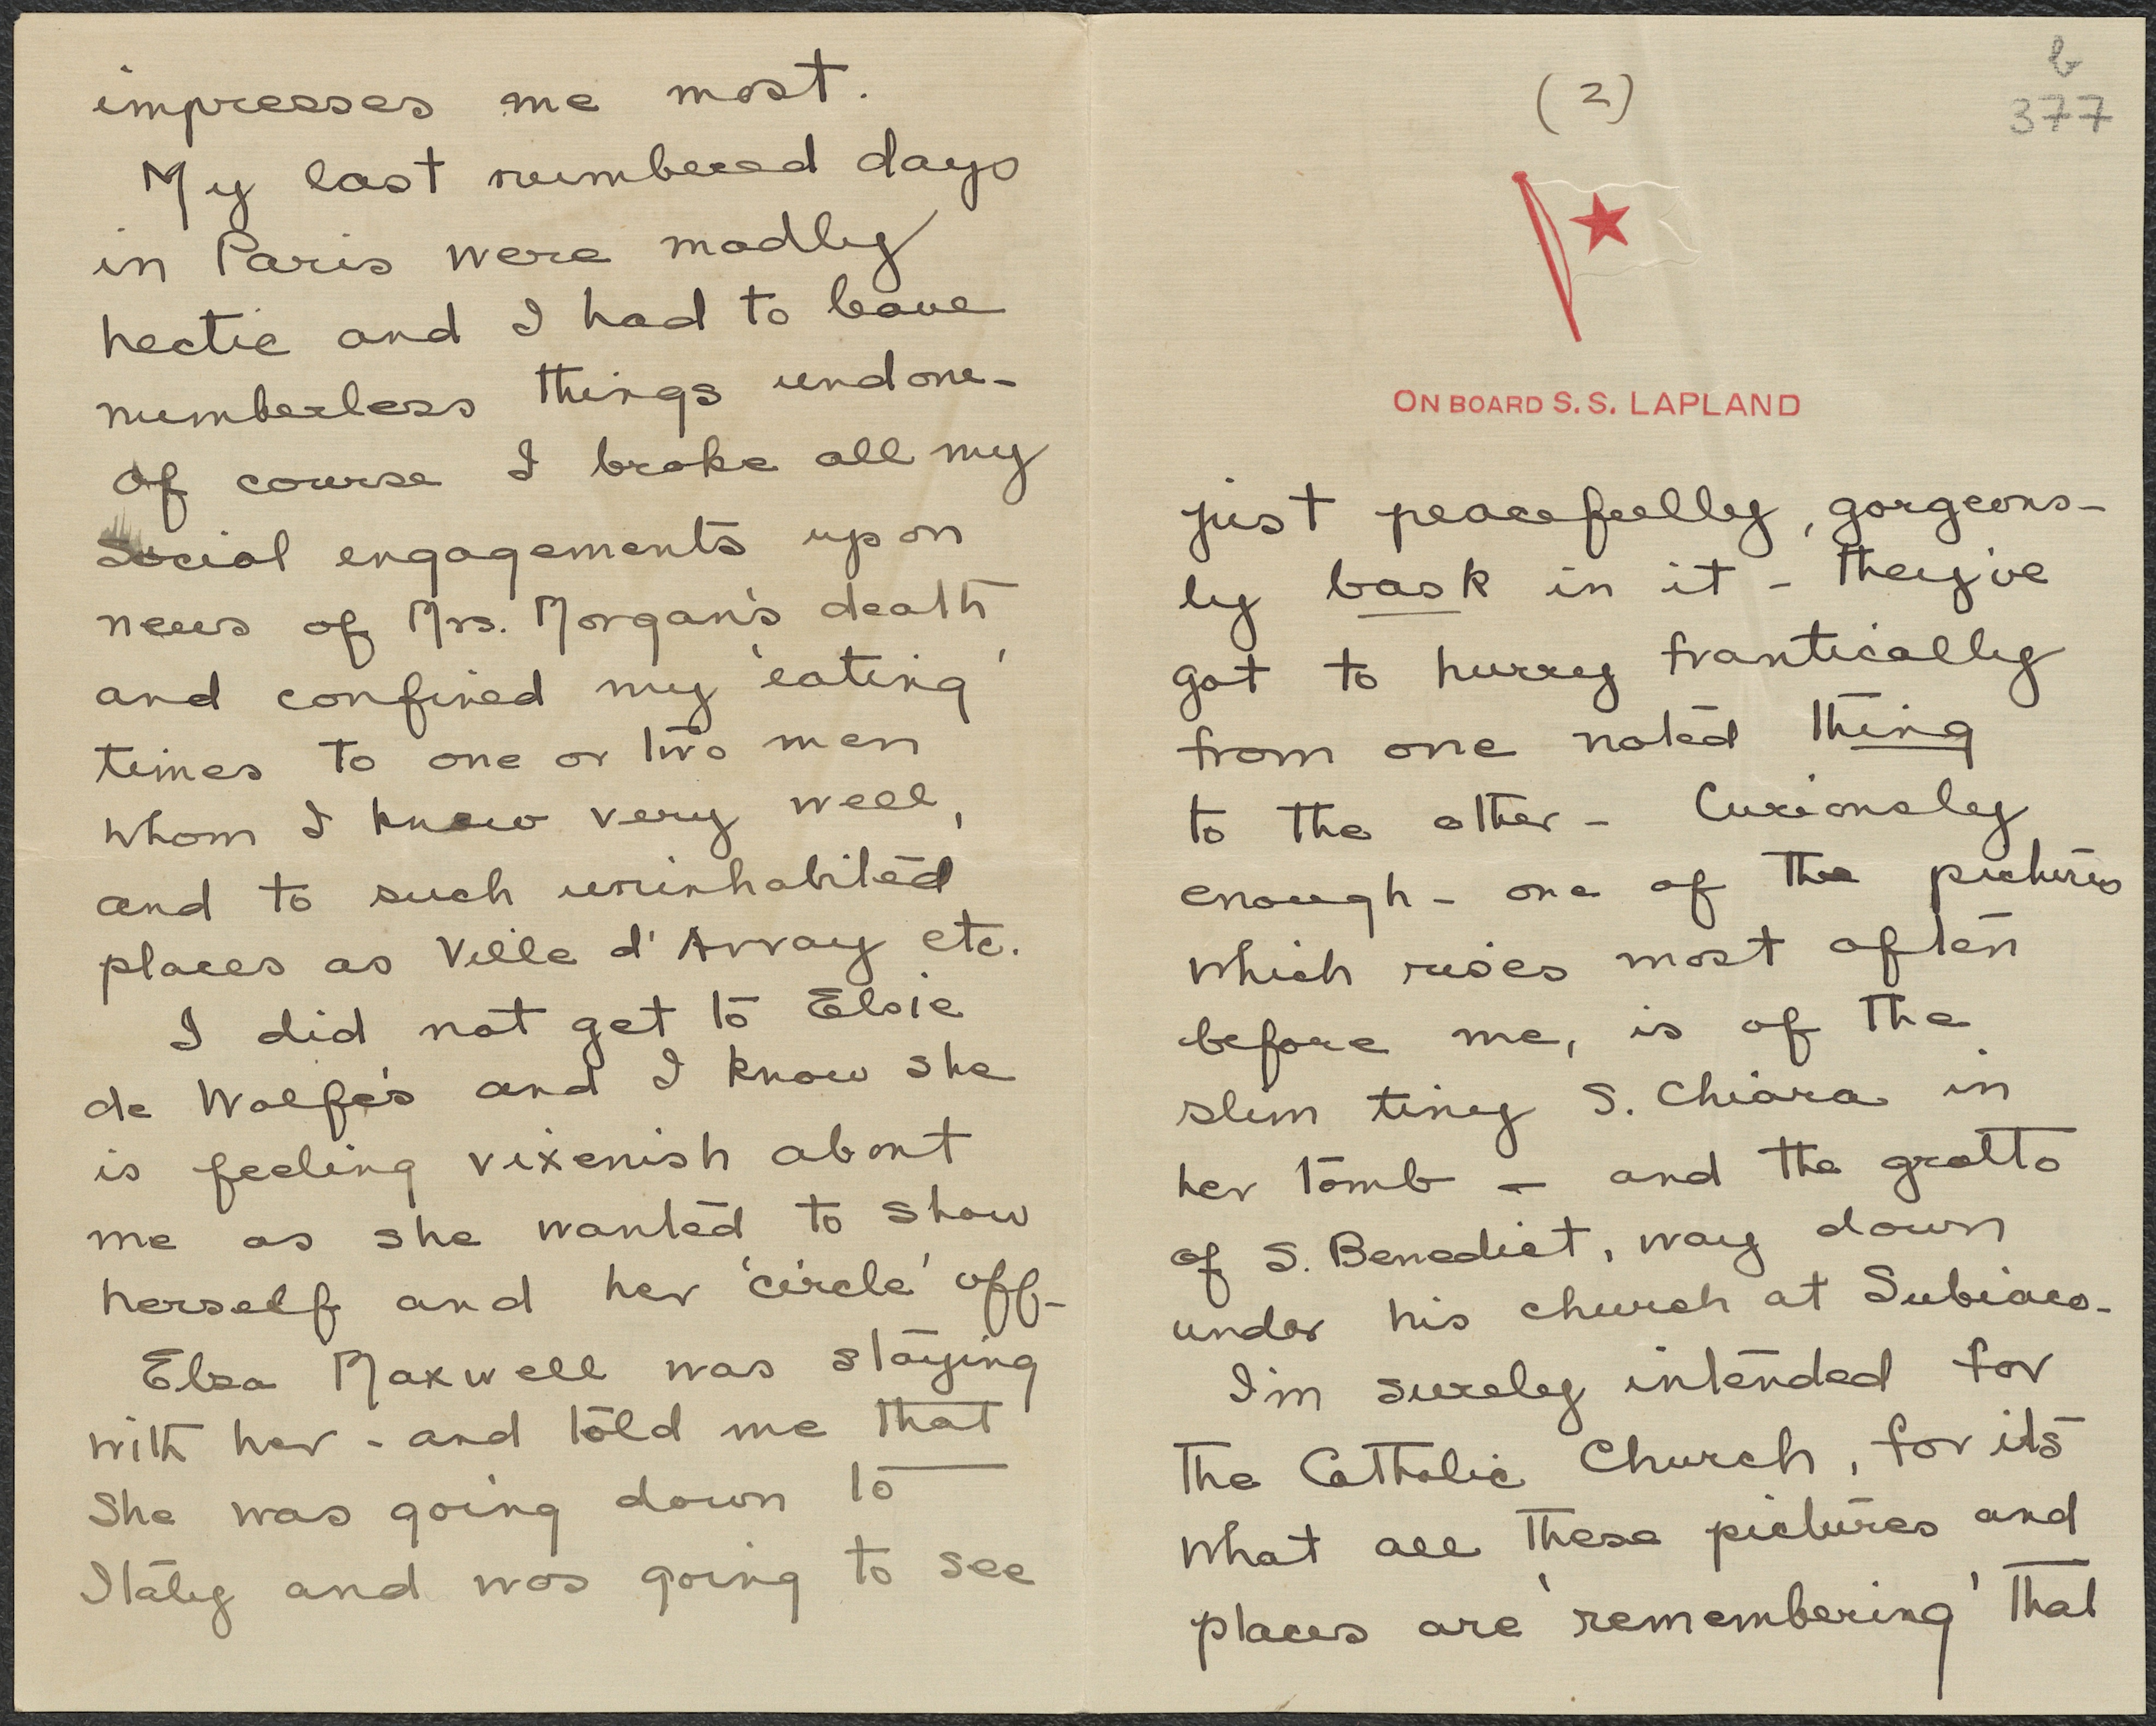(2)
just peacefully, gorgeously bask in it – they’ve got to hurry frantically from one noted thing to the other – Curiously enough – one of the pictures which rises most often before me, is of the slim tiny S. Chiara in her tomb – and the grotto of S. Benedict, way down under his church at Subiaco.
I’m surely intended for the Catholic Church, for it’s what all these pictures and places are ‘remembering’ that
impresses me most.
My last numbered days in Paris were madly hectic and I had to leave numberless things undone – of course I broke all my social engagements upon news of Mrs. Morgan’s death and confined my ‘eating’ times to one or two men whom I know very well, and to such uninhabited places as Ville d’Array etc.
I did not get to Elsie de Wolfe’s and I know she is feeling vixenish about me as she wanted to show herself and her ‘circle’ off –
Elsa Maxwell was staying with her – and told me that she was going down to Italy and was going to see